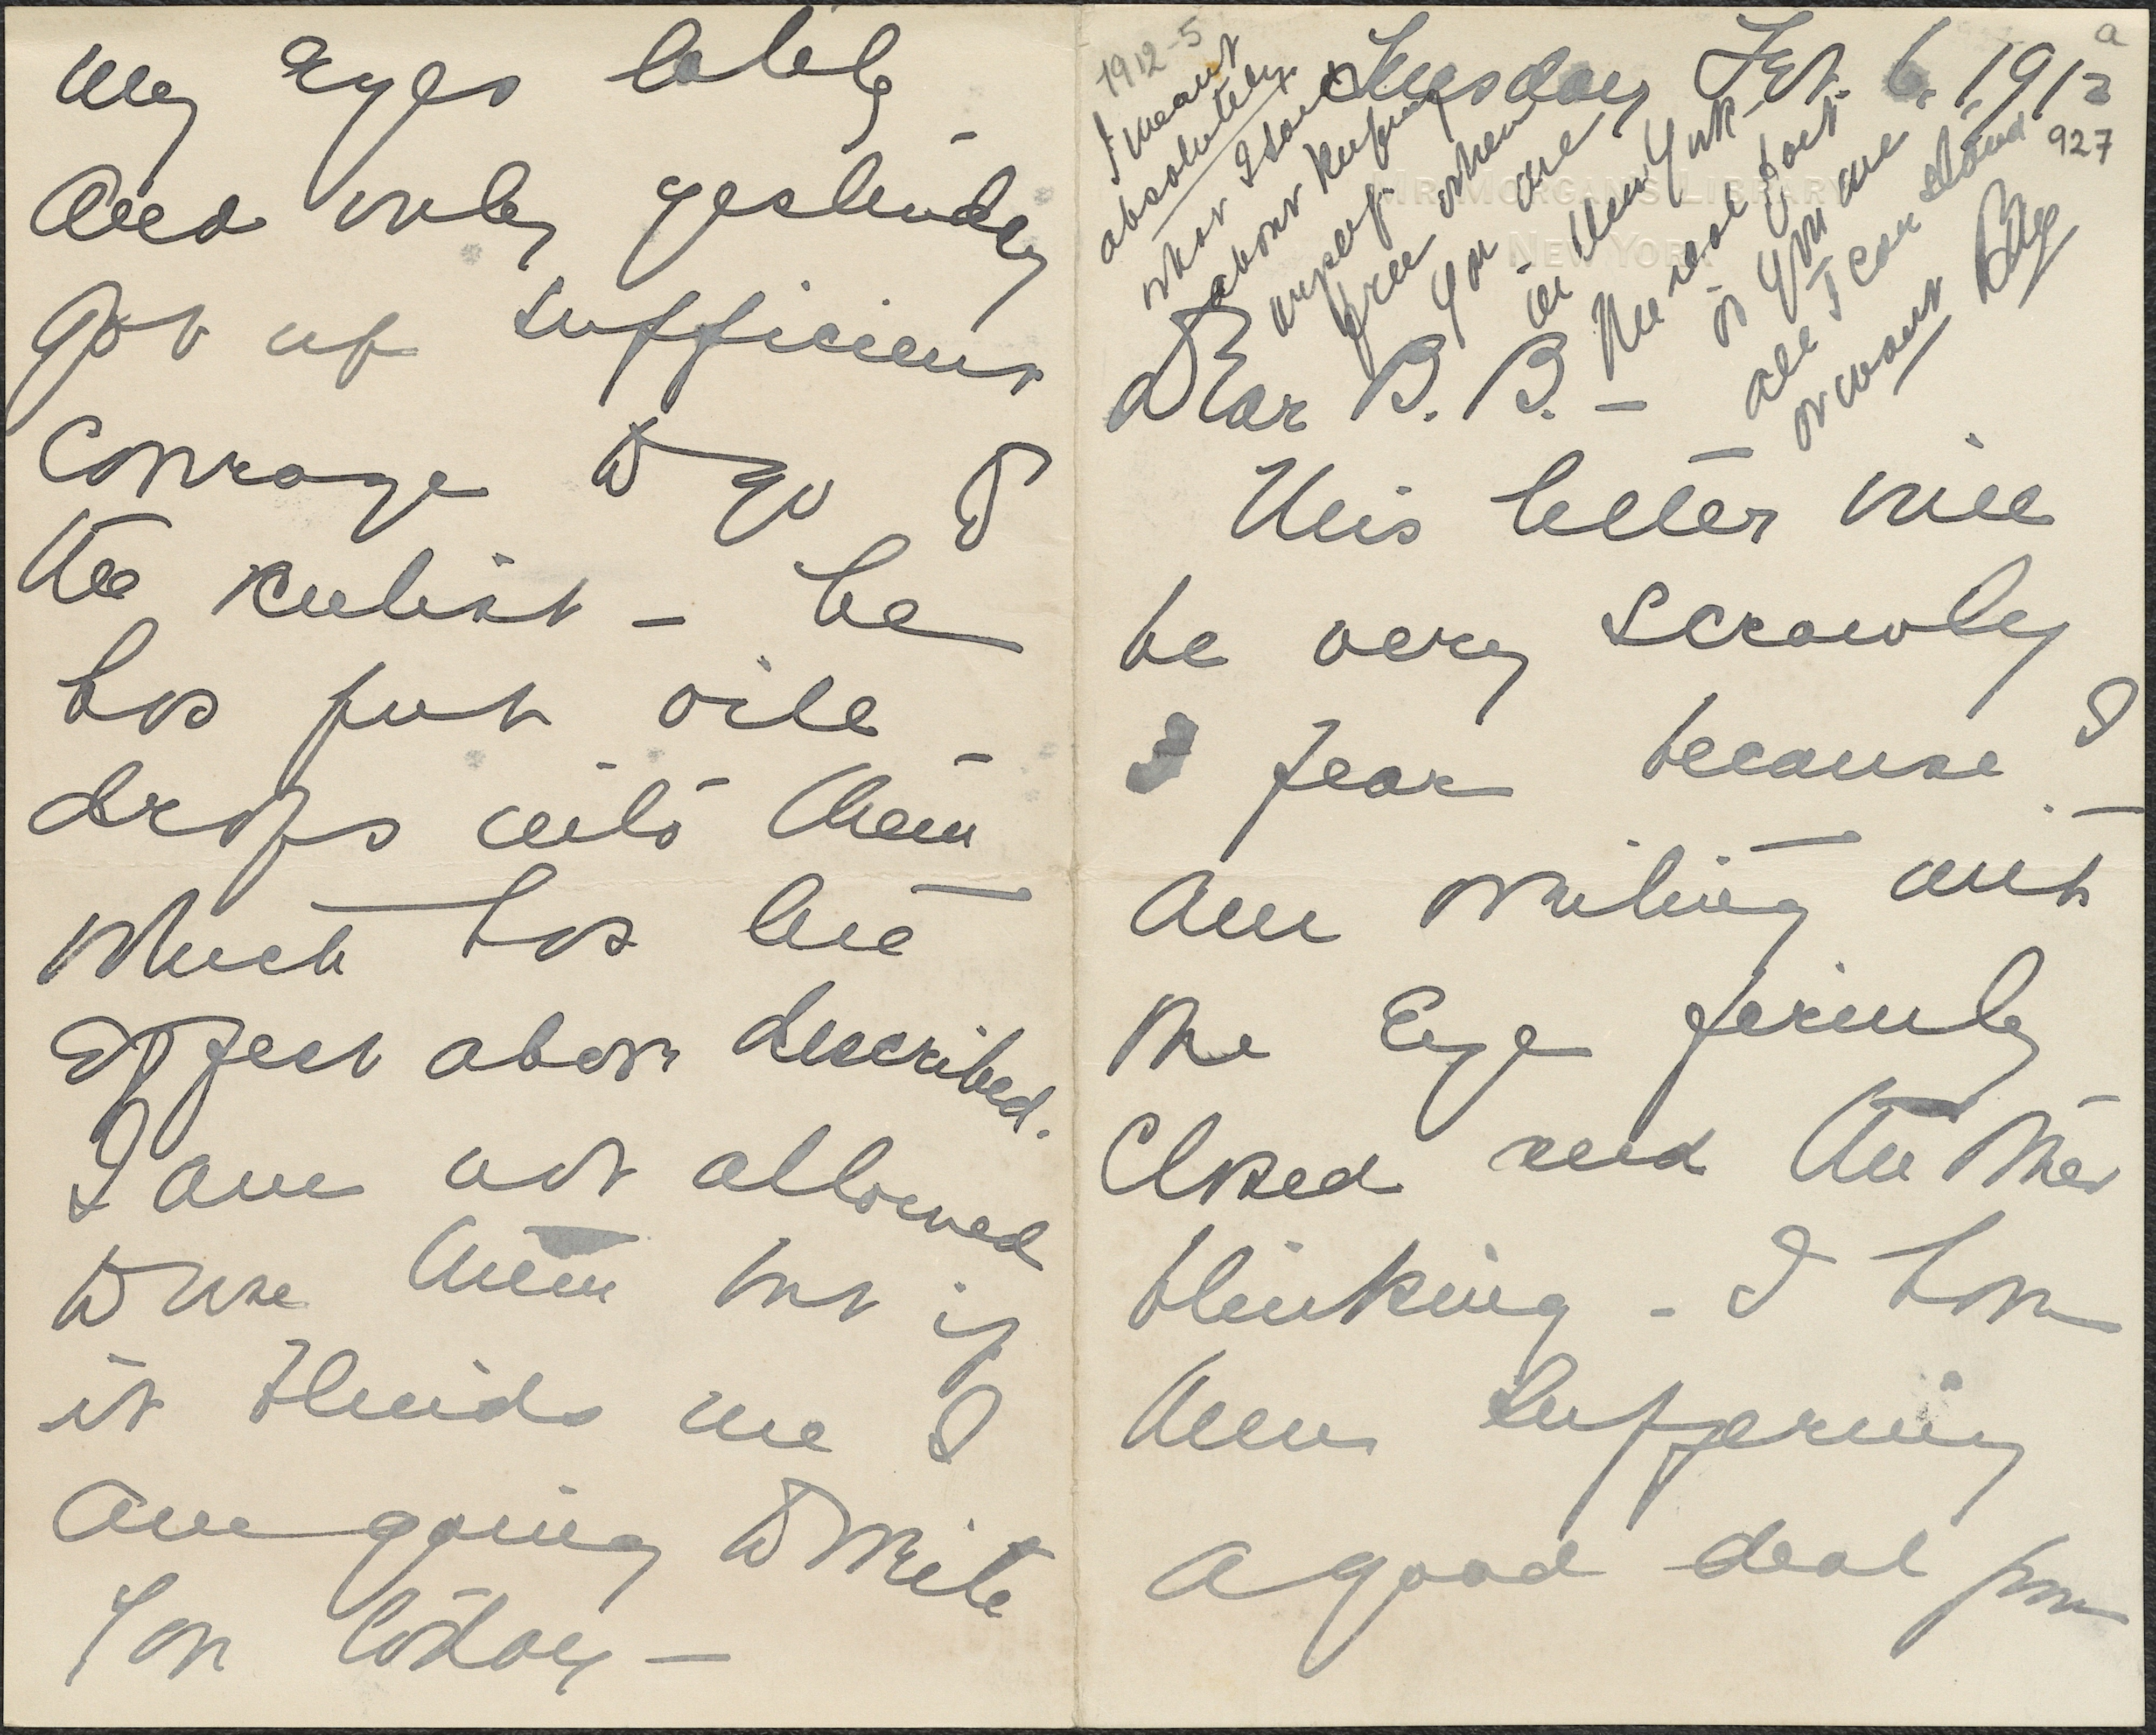Tuesday Feb. 6, 1912
[added in upper margin: I meant absolutely what I said about keeping myself free when you are in New York – The real fact is you are all I can stand or want Belle]
Dear B.B. –
This letter will be very scrawly I fear because I am writing with one eye firmly closed and the other blinking – I have been suffering a good deal from
my eyes lately and only yesterday got up sufficient courage to go to the oculist – he has put vile drops into them which has the effect above described. I am not allowed to use them but if it blinds me I am going to write You today –